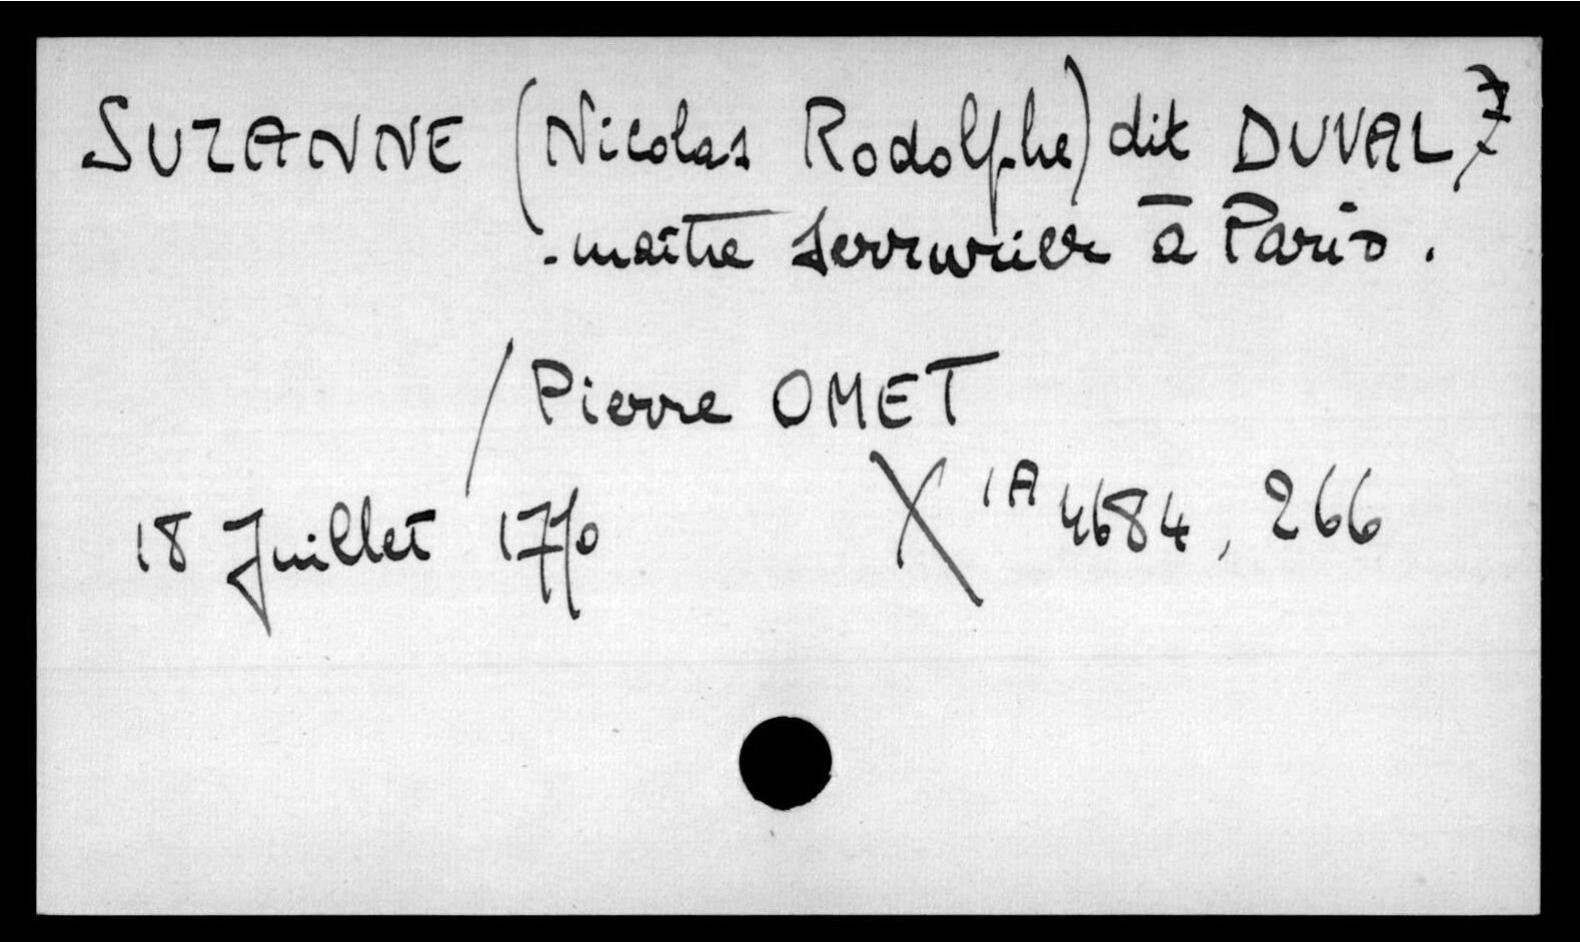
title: SUZANNE (Nicolas Rodolphe) dit DUVAL maître serrurier à Paris.
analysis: Contre Pierre OMET
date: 18 juillet 1770
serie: X1A
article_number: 4684
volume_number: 266
